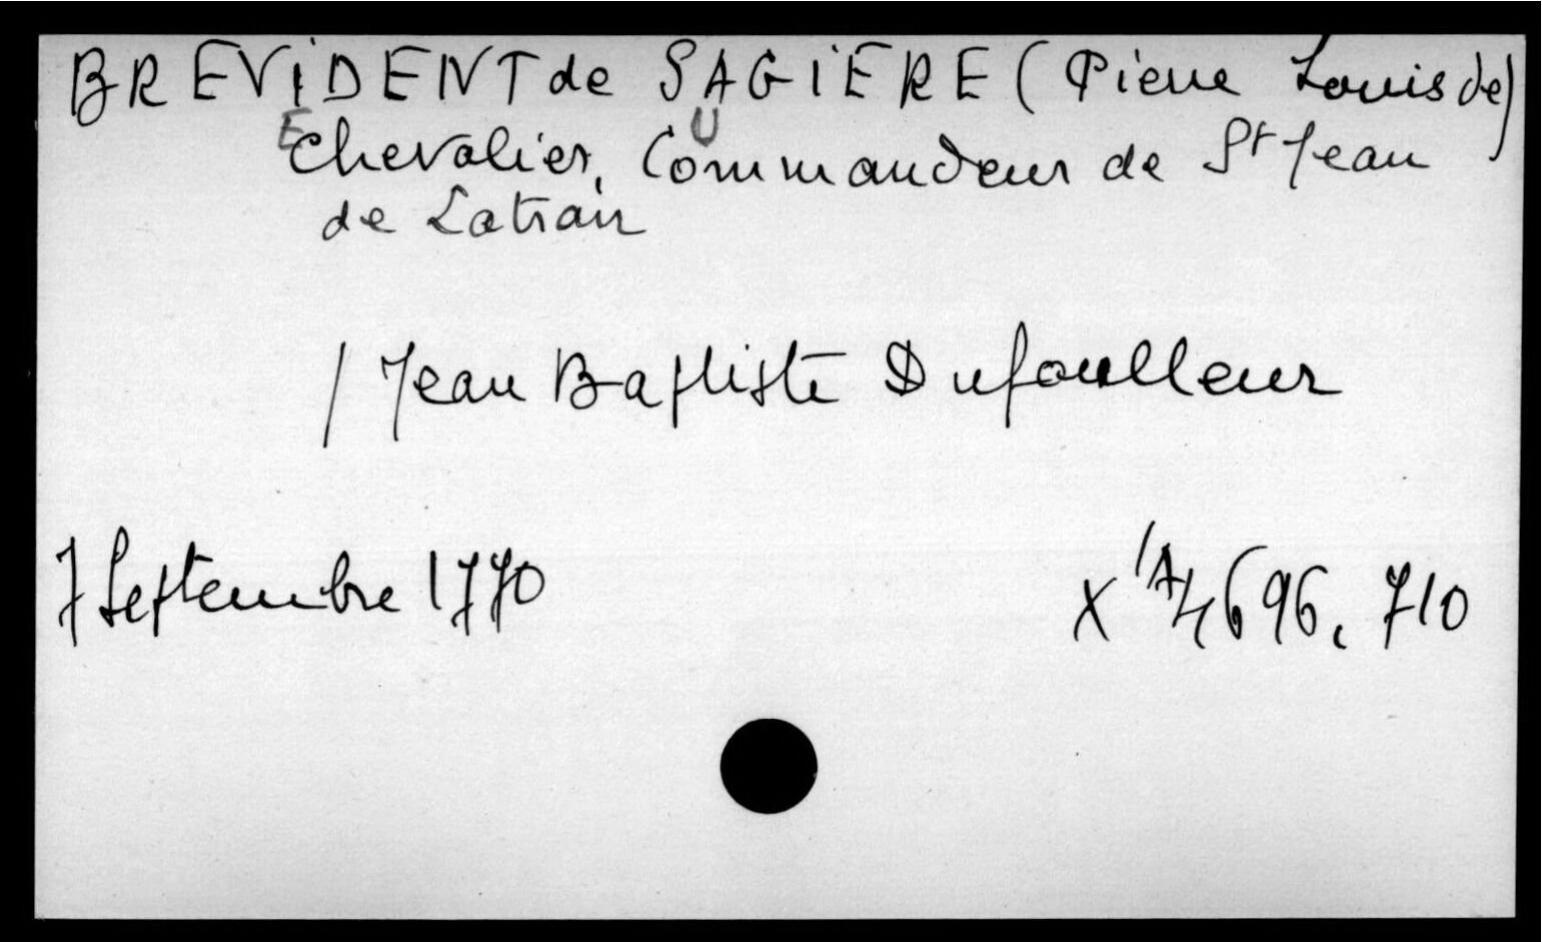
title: BREVIDENT de SAGIERE (Pierre Louis de) Chevalier, commandeur de Saint-Jean de Latran
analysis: Contre Jean-Baptiste Dufoulleur
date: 1 septembre 1770
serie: X1A
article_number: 4696
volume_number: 710
